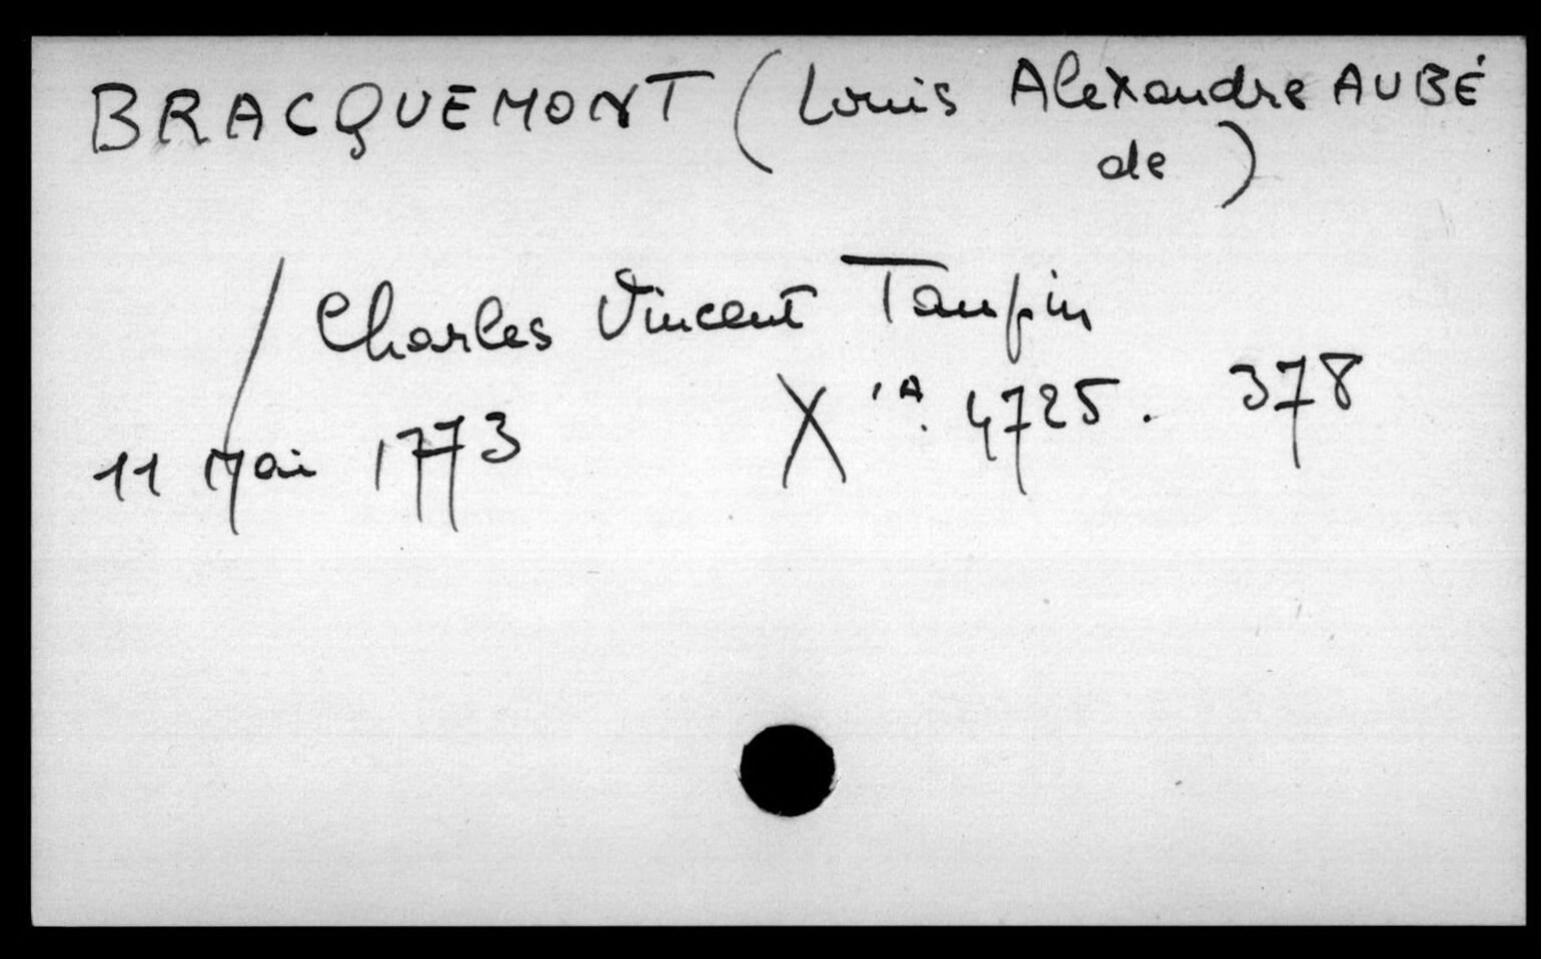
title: BRACQUEMONT (Louis Alexandre AUBÉ de )
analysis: Contre Charles Vincent Taupin
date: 11 mai 1773
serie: X1A
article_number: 4725
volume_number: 378
